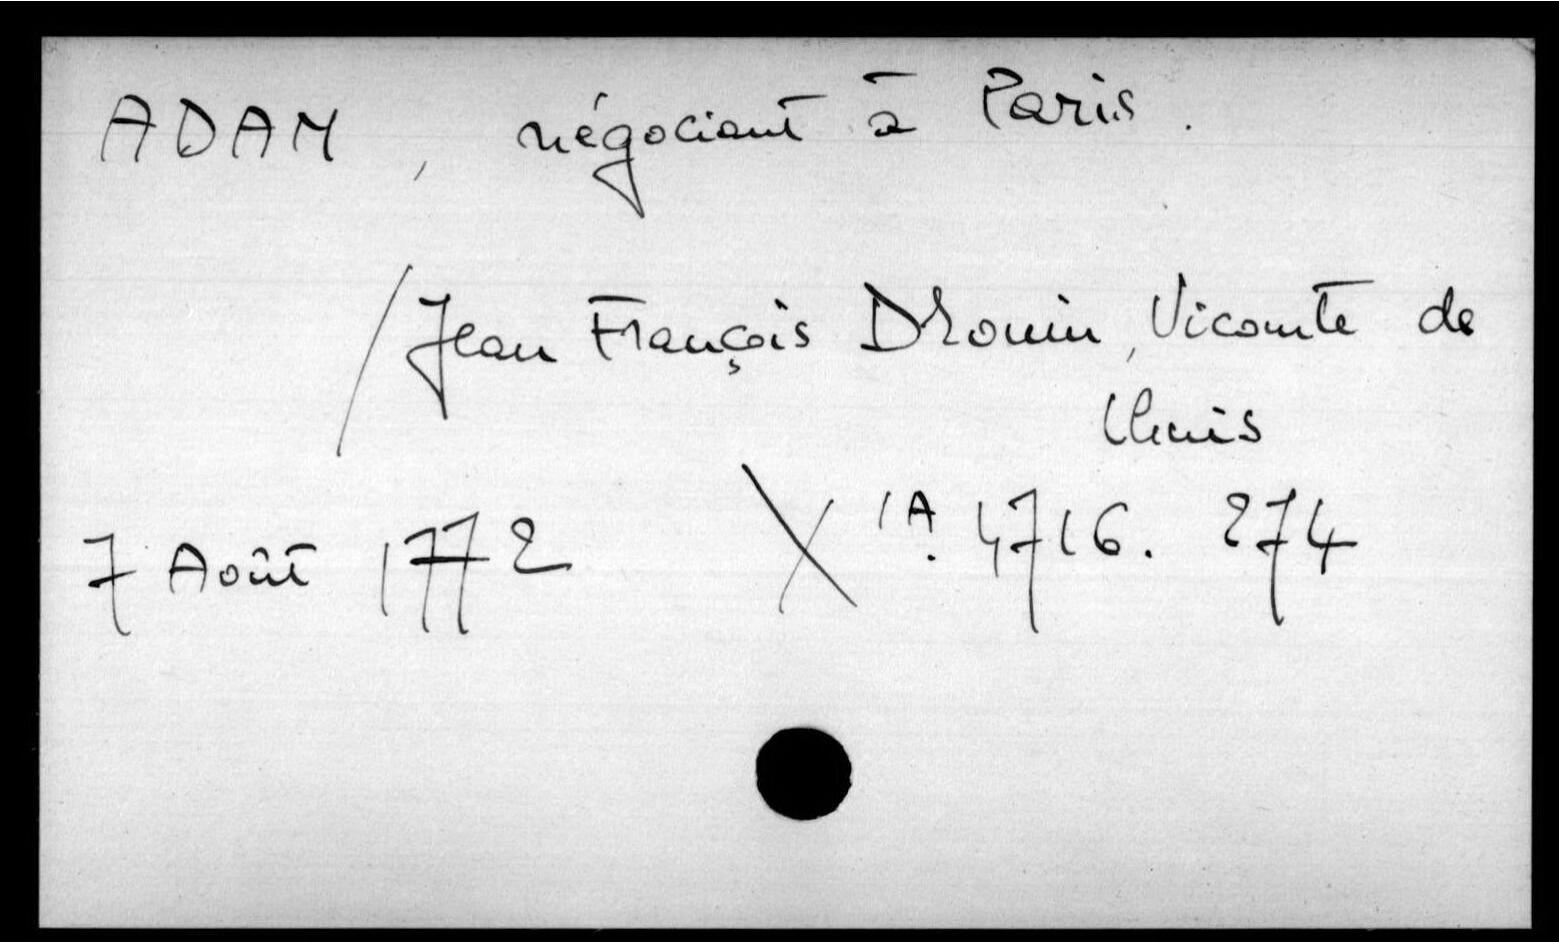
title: ADAM, négociant à Paris.
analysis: Contre Jean François Drouin, vicomte de Lhuis
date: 7 août 1772
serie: X1A
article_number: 4716
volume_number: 274
